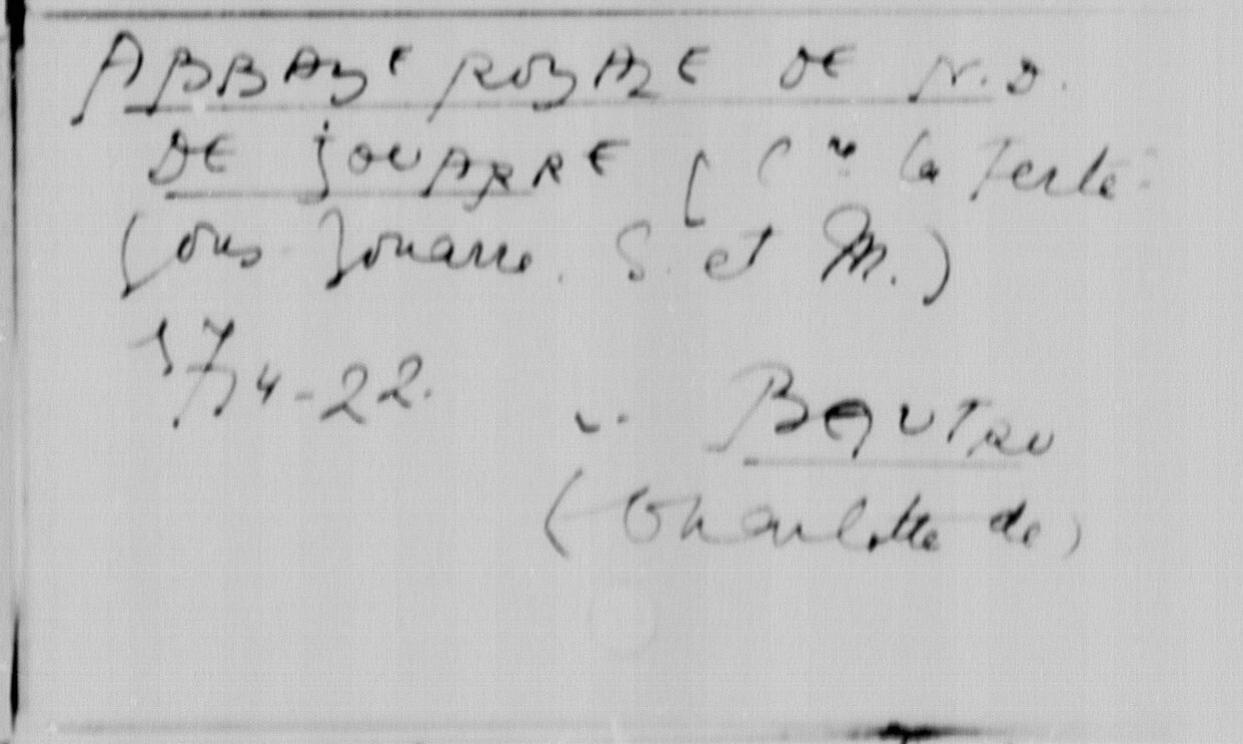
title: ABBAYE ROYALE DE NOTRE-DAME DE JOUARRE (commune La Ferté-sous-Jouarre, département de Seine-et-Marne)
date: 1714-1722
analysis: Voir BAUTRU (Charlotte de)
